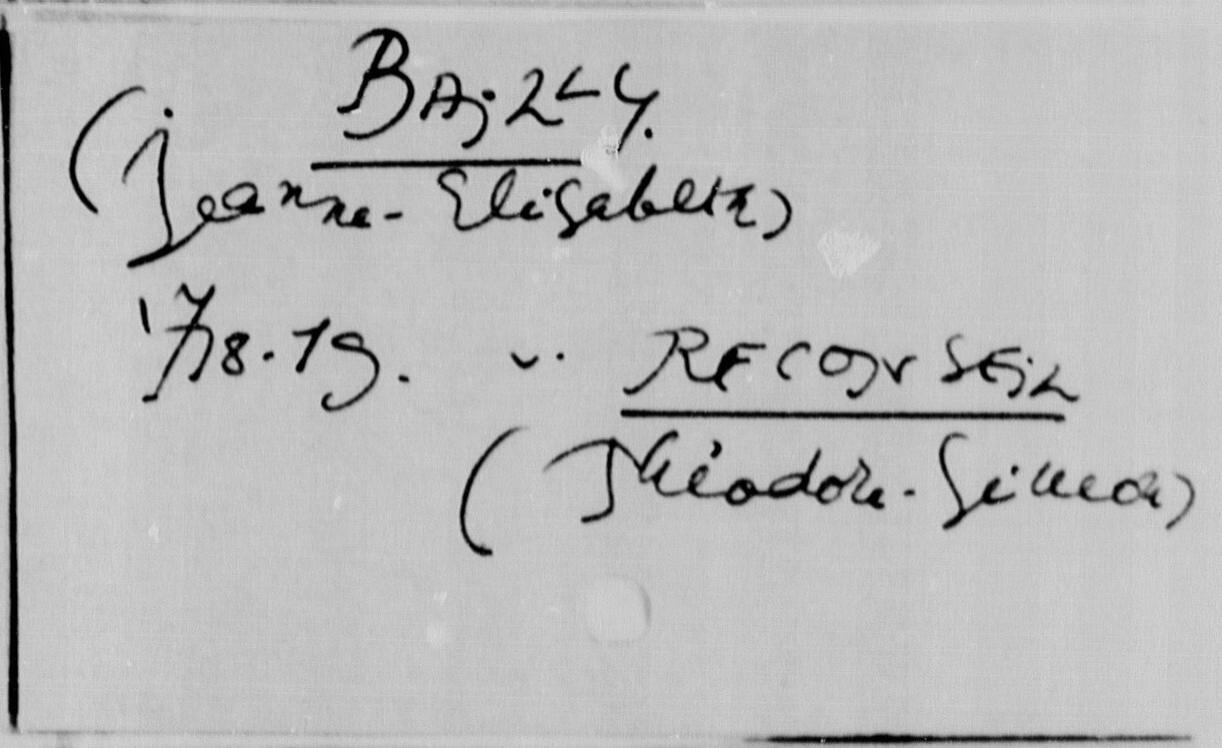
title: BAILLY (Jeanne-Elisabeth)
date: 1718-1719
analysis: Voir RECONSEIL (Théodore-Siméon)
